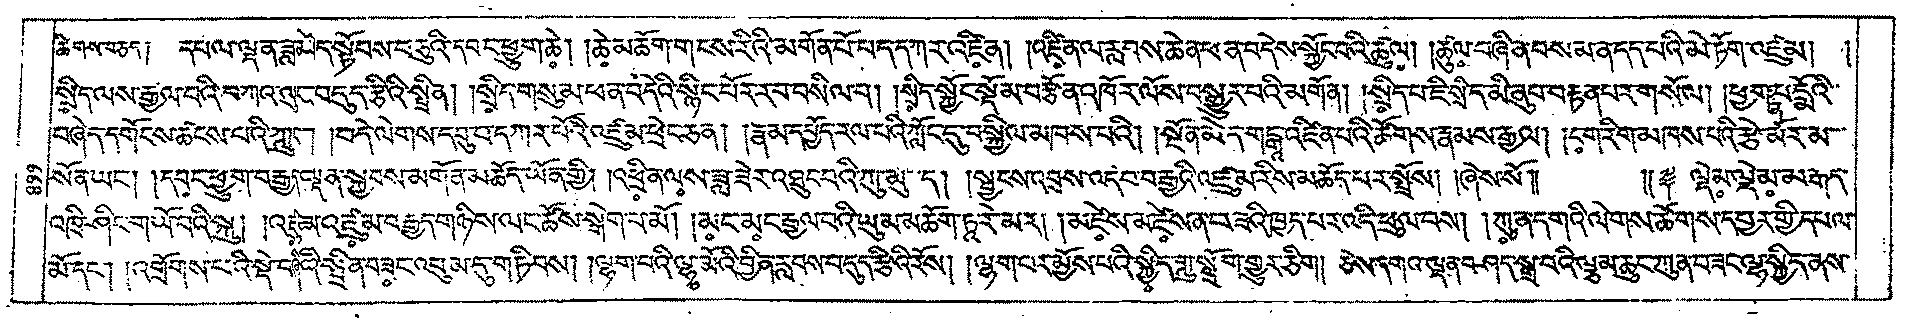ཚིགས་བཅད། དཔལ་ལྡན་ཟླ་མེད་སྟོབས་བཅུའི་དབང་ཕྱུག་ཆེ྾། །ཆེ྾་མཆོག་གངས་རིའི་མགོན་པོ་པད་དཀར་འཛིན྾། །འཛིན྾་ལ་རླབས་ཆེན་ཕན་བདེས་སྐྱོང་བའི་ཚུལ྾། །ཚུལ྾་བཞིན་བསམ་ན་དད་པའི་མེ་ཏོག་འཛུམ། །
སྲིད྾་ལས་རྒྱལ་བའི་བཀའ་ལུང་བདུད་རྩིའི་སྤྲིན། །སྲིད྾་གསུམ་ཕན་བདེའི་སྙིང་པོར་རབ་བསིལ་བ། །སྲིད྾་སྐྱོང་སྡོམ་བརྩོན་འཁོར་ལོས་བསྒྱུར་བའི་མགོན། །སྲིད྾་པ་ཇི་སྲིད་མི་ནུབ་བརྟན་པར་གསོལ། །ཕྱག་ན་པདམོའི་
བཞེད་དགོངས་ཚངས་པའི་ཀླུང་། །བདེ་ལེགས་དབུ་བ་དཀར་པོའི་འཛུམ་ཕྲེང་ཅན། །རྣམ་དཔྱོད་རལ་པའི་ཀློང་དུ་བསྐྱིལ་མཁས་པའི། །སྔོན་མེད་གངྒཱ་འཛིན་པའི་ཚོགས་རྣམས་རྒྱལ། །ངག྾་རིག་མཁས་པའི་རྩེ་མོར་མ་
སོན་ཡང་། །དབང྾་ཕྱུག་བརྒྱད་ལྡན་སྐྱབས་མགོན་མཆོད་ཡོན་གྱི། །འཕྲིན྾་ལས྾་ཟླ་ཟེར་འཐུང་བའི་ཀུ་མུ་ད། །སྦྱངས་འབྲས་འདབ་བརྒྱའི་འཛུམ་རིས་མཆོད་པར་སྤྲོས། །ཞེས་སོ།། །། ༈ ལྡེམ྾་ལྡེམ྾་མྲྒད་
འཁྲི་ཤིང་གཡོ་བའི་སྐུ། །འཛུམ྾་འཛུམ྾་བརྒྱད་གཉིས་ལང་ཚོས་སྒེག་པ་མོ། །མང྾་མང྾་རྒྱལ་བའི་ཡུམ་མཆོག་ཏཱ་རེ་མར། །མཛེས྾་མཛེས྾་ན་བཟའི་ཁྱད་པར་འདི་ཕུལ་བས། །ཀུན྾་དགའི་ལེགས་ཚོགས་དབྱར་གྱི་དཔལ་
མོ྾་དང་། །འགྲོགས་པའི་སྡེ་བཞིའི་སྤྲིན་བཟང྾་འབུམ་དུ་བཏིབས། །ལྷག་པའི་ལྷ྾་མོའི་བྱིན་རླབས་བདུད་རྩིའི་རོས། །ལྷག་པར་མྱོས་པའི་སྐྱིད྾་གླུ་སྒྲོག་གྱུར་ཅིག །ཅེས་དགའ་ལྡན་བཤད་སྒྲ་བའི་ལྕམ་ཆུང་ཀུན་བཟང་ལྷ་སྐྱིད་ནས་